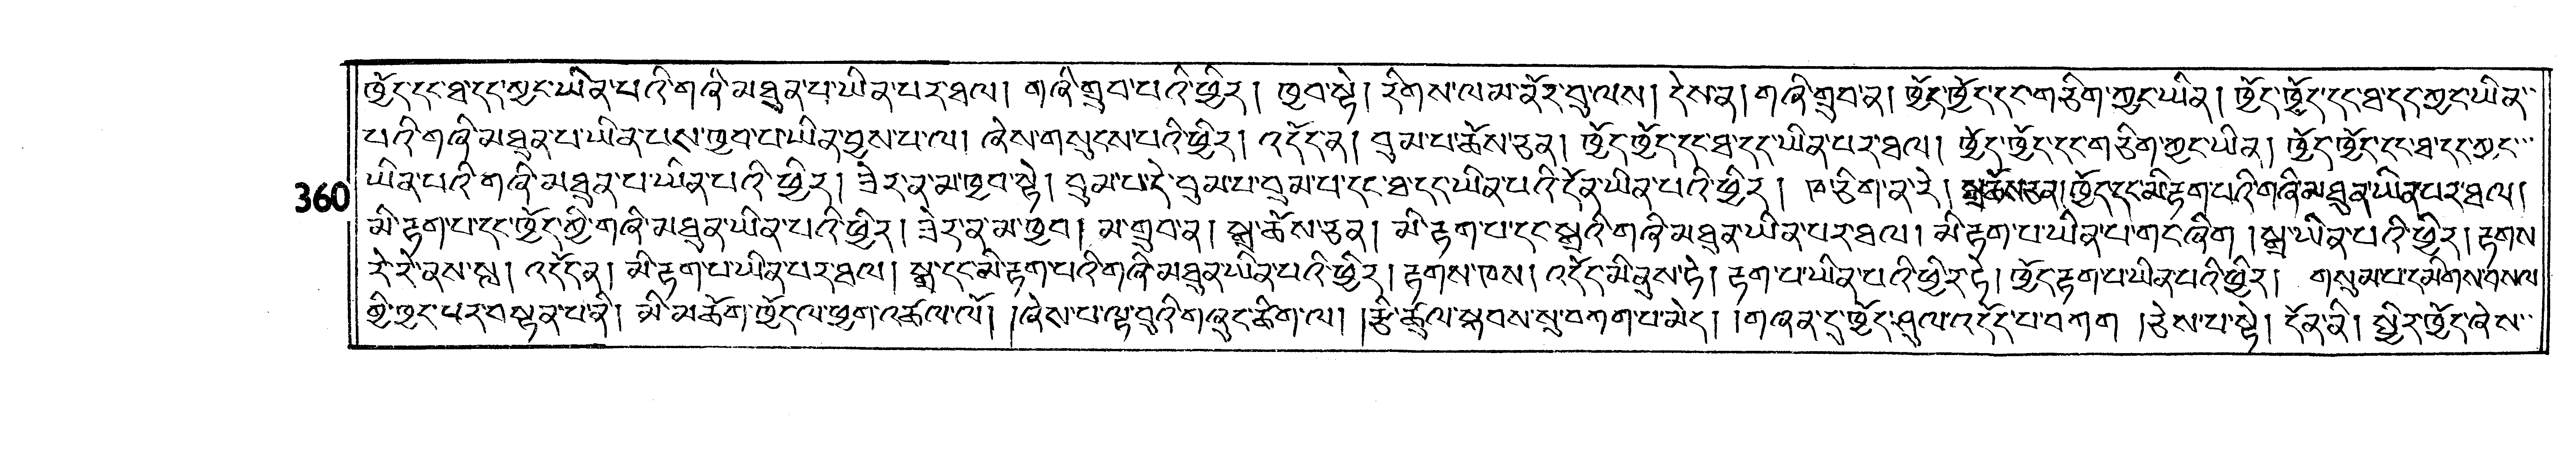ཁྱོད་དང་ཐ་དད་ཀྱང་ཡིན་པའི་གཞི་མཐུན་པ་ཡིན་པར་ཐལ། གཞི་གྲུབ་པའི་ཕྱིར། ཁྱབ་སྟེ། རིགས་ལམ་ནོར་བུ་ལས། དེས་ན། གཞི་གྲུབ་ན། ཁྱོད་ཁྱོད་དང་གཅིག་ཀྱང་ཡིན། ཁྱོད་ཁྱོད་དང་ཐ་དད་ཀྱང་ཡིན་
པའི་གཞི་མཐུན་པ་ཡིན་པས་ཁྱབ་པ་ཡིན་བྱས་པ་ལ། ཞེས་གསུངས་པའི་ཕྱིར། འདོད་ན། བུམ་པ་ཆོས་ཅན། ཁྱོད་ཁྱོད་དང་ཐ་དང་ཡིན་པར་ཐལ། ཁྱོད་ཁྱོད་དང་གཅིག་ཀྱང་ཡིན། ཁྱོད་ཁྱོད་དང་ཐ་དང་ཀྱང་
ཡིན་པའི་གཞི་མཐུན་པ་ཡིན་པའི་ཕྱིར། ཟེར་ན་མ་ཁྱབ་སྟེ། བུམ་པ་དེ་བུམ་པ་བུམ་པ་དང་ཐ་དད་ཡིན་པའི་དོན་ཡིན་པའི་ཕྱིར། ཁ་ཅིག་ན་རེ། སྒྲ་ཆོས་ཅན། ཁྱོད་དང་མི་རྟག་པའི་གཞི་མཐུན་ཡིན་པར་ཐལ།
མི་རྟག་པ་དང་ཁྱོད་ཀྱི་གཞི་མཐུན་ཡིན་པའི་ཕྱིར། ཟེར་ན་མ་ཁྱབ། མ་གྲུབ་ན། སྒྲ་ཆོས་ཅན། མི་རྟག་པ་དང་སྒྲའི་གཞི་མཐུན་ཡིན་པར་ཐལ། མི་རྟག་པ་ཡིན་པ་གང་ཞིག །སྒྲ་ཡིན་པའི་ཕྱིར། རྟགས་
རེ་རེ་ནས་སླ། འདོད་ན། མི་རྟག་པ་ཡིན་པར་ཐལ། སྒྲ་དང་མི་རྟག་པའི་གཞི་མཐུན་ཡིན་པའི་ཕྱིར། རྟགས་ཁས། འདོད་མི་ནུས་ཏེ། རྟག་པ་ཡིན་པའི་ཕྱིར་ཏེ། ཁྱོད་རྟག་པ་ཡིན་པའི་ཕྱིར། གསུམ་པ་དམིགས་བསལ་
གྱི་ཁྱད་པར་བསྟན་པ་ནི། མི་མཆོག་ཁྱོད་ལ་ཕྱག་འཚལ་ལོ། །ཞེས་པ་ལྟ་བུའི་གཞུང་ཚིག་ལ། །རྩི་ཚུལ་སྐབས་སུ་བཀག་པ་མེད། །གཞན་དུ་ཁྱོད་ཤུལ་འདོད་པ་བཀག །ཅེས་པ་སྟེ། དོ་ནི། སྤྱིར་ཁྱོད་ཞེས་